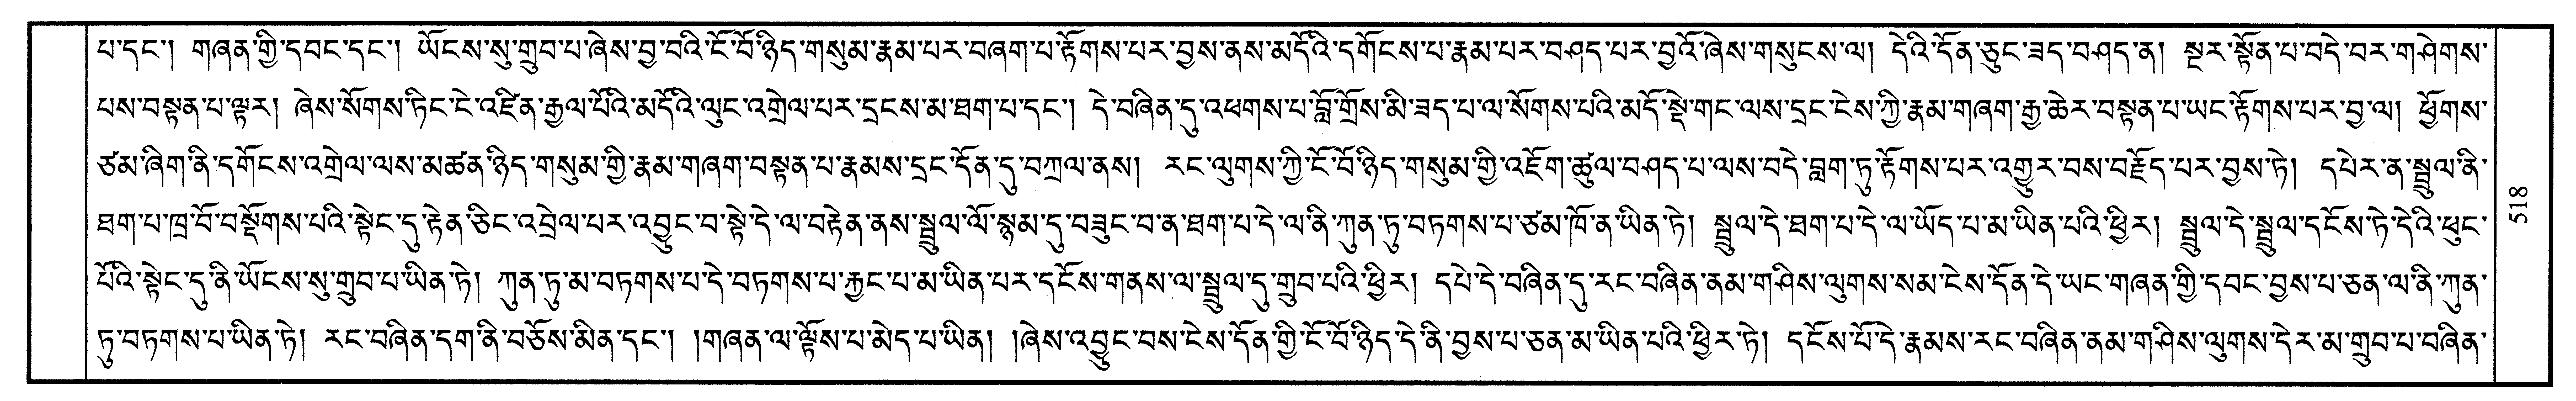པ་དང་། གཞན་གྱི་དབང་དང་། ཡོངས་སུ་གྲུབ་པ་ཞེས་བྱ་བའི་ངོ་བོ་ཉིད་གསུམ་རྣམ་པར་བཞག་པ་རྟོགས་པར་བྱས་ནས་མདོའི་དགོངས་པ་རྣམ་པར་བཤད་པར་བྱའོ་ཞེས་གསུངས་ལ། དེའི་དོན་ཅུང་ཟད་བཤད་ན། སྔར་སྟོན་པ་བདེ་བར་གཤེགས་
པས་བསྟན་པ་ལྟར། ཞེས་སོགས་ཏིང་ངེ་འཛིན་རྒྱལ་པོའི་མདོའི་ལུང་འགྲེལ་པར་དྲངས་མ་ཐག་པ་དང་། དེ་བཞིན་དུ་འཕགས་པ་བློ་གྲོས་མི་ཟད་པ་ལ་སོགས་པའི་མདོ་སྡེ་གང་ལས་དྲང་ངེས་ཀྱི་རྣམ་གཞག་རྒྱ་ཆེར་བསྟན་པ་ཡང་རྟོགས་པར་བྱ་ལ། ཕྱོགས་
ཙམ་ཞིག་ནི་དགོངས་འགྲེལ་ལས་མཚན་ཉིད་གསུམ་གྱི་རྣམ་གཞག་བསྟན་པ་རྣམས་དྲང་དོན་དུ་བཀྲལ་ནས། རང་ལུགས་ཀྱི་ངོ་བོ་ཉིད་གསུམ་གྱི་འཇོག་ཚུལ་བཤད་པ་ལས་བདེ་བླག་ཏུ་རྟོགས་པར་འགྱུར་བས་བརྗོད་པར་བྱས་ཏེ། དཔེར་ན་སྦྲུལ་ནི་
ཐག་པ་ཁྲ་བོ་བསྡོགས་པའི་སྟེང་དུ་རྟེན་ཅིང་འབྲེལ་པར་འབྱུང་བ་སྟེ་དེ་ལ་བརྟེན་ནས་སྦྲུལ་ལོ་སྙམ་དུ་བཟུང་བ་ན་ཐག་པ་དེ་ལ་ནི་ཀུན་ཏུ་བཏགས་པ་ཙམ་ཁོ་ན་ཡིན་ཏེ། སྦྲུལ་དེ་ཐག་པ་དེ་ལ་ཡོད་པ་མ་ཡིན་པའི་ཕྱིར། སྦྲུལ་དེ་སྦྲུལ་དངོས་ཏེ་དེའི་ཕུང་
པོའི་སྟེང་དུ་ནི་ཡོངས་སུ་གྲུབ་པ་ཡིན་ཏེ། ཀུན་ཏུ་མ་བཏགས་པ་དེ་བཏགས་པ་རྐྱང་པ་མ་ཡིན་པར་དངོས་གནས་ལ་སྦྲུལ་དུ་གྲུབ་པའི་ཕྱིར། དཔེ་དེ་བཞིན་དུ་རང་བཞིན་ནམ་གཤིས་ལུགས་སམ་ངེས་དོན་དེ་ཡང་གཞན་གྱི་དབང་བྱས་པ་ཅན་ལ་ནི་ཀུན་
ཏུ་བཏགས་པ་ཡིན་ཏེ། རང་བཞིན་དག་ནི་བཅོས་མིན་དང་། །གཞན་ལ་ལྟོས་པ་མེད་པ་ཡིན། །ཞེས་འབྱུང་བས་ངེས་དོན་གྱི་ངོ་བོ་ཉིད་དེ་ནི་བྱས་པ་ཅན་མ་ཡིན་པའི་ཕྱིར་ཏེ། དངོས་པོ་དེ་རྣམས་རང་བཞིན་ནམ་གཤིས་ལུགས་དེར་མ་གྲུབ་པ་བཞིན་